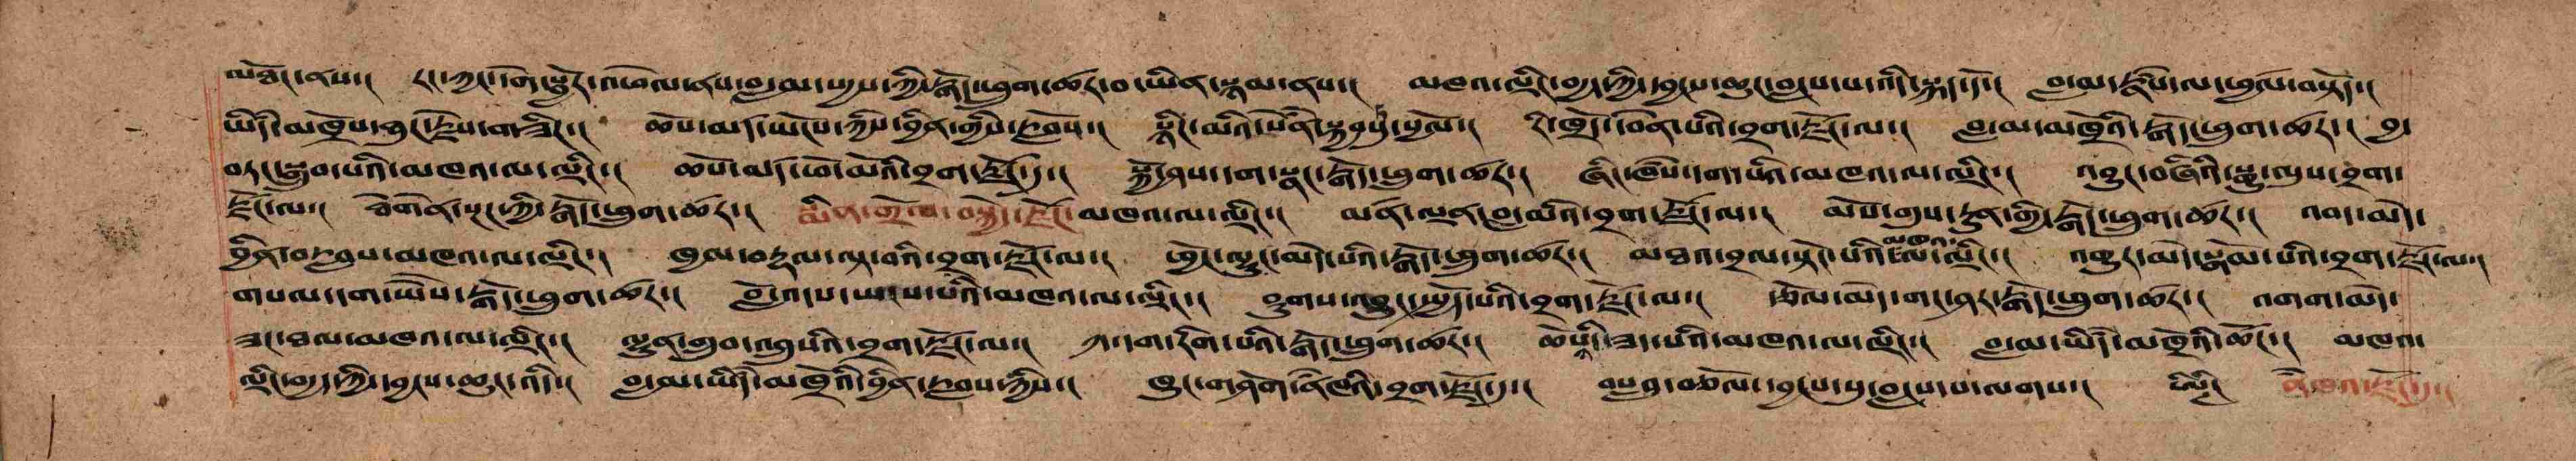མཐོང་ནས། རང་ཀྱང་དགེ་སྦྱོར་འཕེལ་ནས་བླ་མ་སངས་རྒྱས་རྒོད་ཕྲུག་ཚར་བ་ཡིན་སྙམ་ནས། མཁའ་ལྡིང་བརྒྱད་ཀྱི་དབྱངས་ཆུང་བླངས་པ་འདི་སྐད་དོ། བླ་མ་རྣམས་ལ་ཕྱག་འཚལ་བསྟོད། 
ཡིད་དམ་མཁའ་འགྲོས་ཐུགས་རྗེས་གཟིགས། ཆོས་མཛད་ཡོངས་ཀྱིས་བྱིན་གྱིས་རློབས། སྙིཊ་མའི་སེམས་ཅན་སྐྱབས་སུ་གསོལ། རི་ཁྲོད་དབེན་པའི་བྲག་ཕུག་རྫོང་ལ། བླ་མ་མཁའ་འགྲོ་རྒོད་ཕྲུག་ཚར། བྱ་
བཏང་སྒྲུབ་པའི་མཁའ་ལ་ལྡིང་། ཆོས་མཛད་ཕོ་མོའི་བྲག་རྫོང་དུ། སྐྱོ་ཤས་དག་སྣང་རྒོད་ཕྲུག་ཚར། ཞིང་ཁམས་དག་པའི་མཁའ་ལ་ལྡིང་། འབྱུང་བཞིའི་སྒྱུ་ལུས་བྲག་
རྫོང་ལ། ཐིག་ཆེན་སྔགས་ཀྱི་རྒོད་ཕྲུག་ཚར། སྨིན་གྲོལ་བསྐྱེད་རྫོགས་མཁའ་ལ་ལྡིང་། མཚན་ལྡན་བླ་མའི་བྲག་རྫོང་ལ། མོས་གུས་རྒྱུན་གྱི་རྒོད་ཕྲུག་ཚར། འབད་མེད་
བྱིན་རླབས་མཁའ་ལ་ལྡིང་། ཁྱམ་བརྡལ་ལྟ་བའི་བྲག་རྫོང་ལ། ཕྱོགས་ལྷུང་མེད་པའི་རྒོད་ཕྲུག་ཚར། མཐའ་བྲལ་སྟོང་པའི་མཁའ་ལ་ལྡིང་། འགྱུར་མེད་སྒོམ་པའི་བྲག་རྫོང་ལ། 
གསལ་དག་ཡེ་ཤེས་རྒོད་ཕྲུག་ཚར། བློ་འདས་ཡངས་པའི་མཁའ་ལ་ལྡིང་། ཤུགས་འབྱུང་སྤྱོད་པའི་བྲག་རྫོང་ལ། རྩོལ་མེད་རང་ཤར་རྒྷོད་ཕྲུག་ཚར། འགག་མེད་
ཟང་ཐལ་མཁའ་ལ་ལྡིང་། ལྷུན་གྲུབ་འབྲས་བུའི་བྲག་རྫོང་ལ། ཀ་དག་རིག་པའི་རྒོད་ཕྲུག་ཚར། ཆོས་ཉིད་ཟད་པའི་མཁའ་ལ་ལྡིང་། བླ་མ་ཡིད་དམ་མཁའ་འགྲོའི་ཚོགས། མཁའ་
ལྡིང་བརྒྱད་ཀྱི་དབྱངས་ཆུང་འདི། བླ་མ་ཡིད་དམ་མཁའ་འགྲོའི་བྱིན་རླབས་ཀྱིས། ཁྱུང་གཤོག་ནམ་མཁའི་བྲག་རྫོང་དུ། བསླབ་བཅོལ་དབྱངས་སུ་བླངས་པ་ལགས། ཨིཊི། ནམ་མཁའ་རྫོང་དུ་